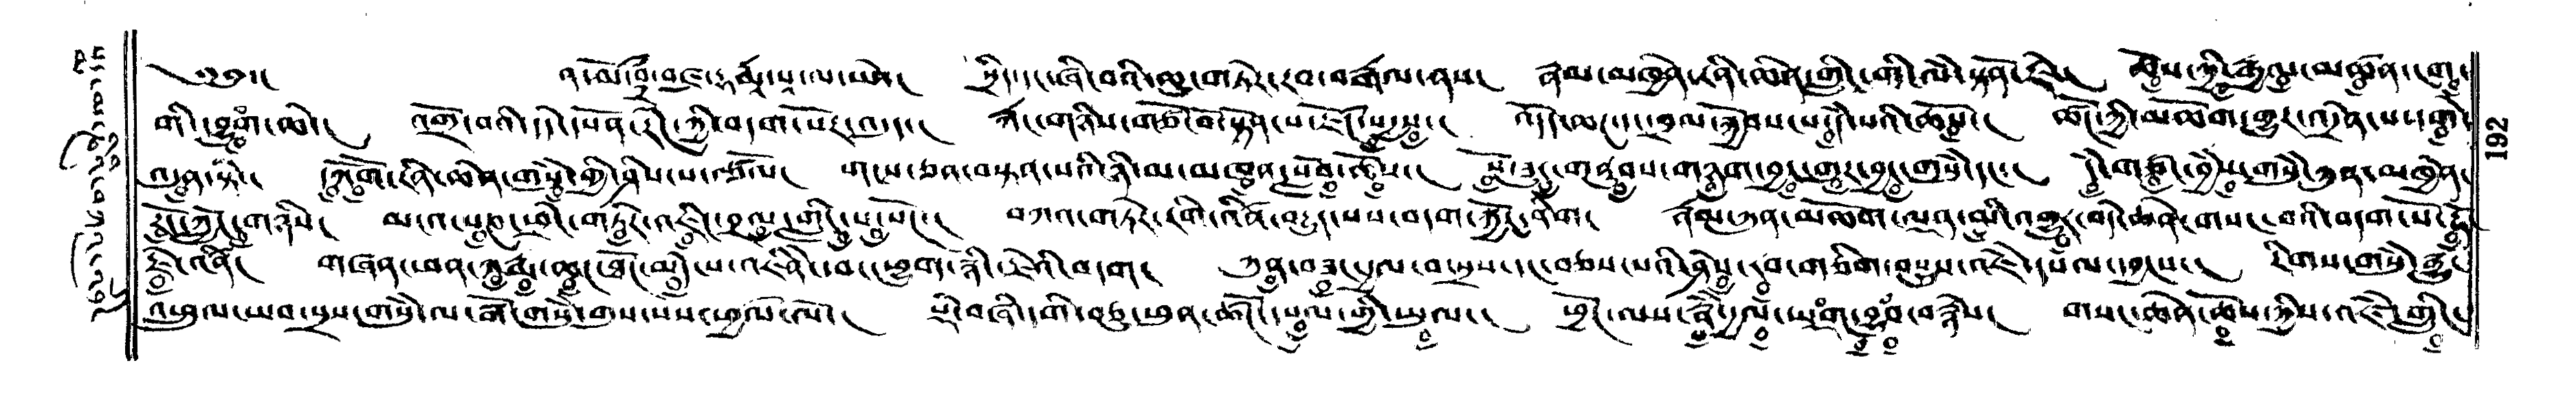ན་མོ་ཤྲཱི་བཛྲ་དྷརྨ་པཱ་ལ་ཡེ། སྲིད་དང་ཞི་བའི་ཆུ་གཏེར་རབ་བརྒལ་ནས། །རྣམ་མཁྱེན་རིན་ཆེན་གླིང་གི་ལམ་སྟོན་རྗེ། །ཆོས་ཀྱི་རྒྱལ་མཚན་ངག་
གི་དབྱང་ཕྱུག་ཆེ། །འགྲོ་བའི་དེད་དཔོན་རིགས་ཀྱི་བདག་པོར་འདུད། །རྐང་གཉིས་གཙོ་བོ་སྟོན་པ་རྫོགས་སངས་རྒྱས། །འདོད་ཆགས་དང་བྲལ་སྐྱོབ་པ་དམ་པའི་ཆོས། །ཚོགས་ཀྱི་མཆོག་གྱུར་འདྲེན་པ་དགེ་
འདུན་སྟེ། །དཀོན་མཆོག་རིན་ཆེན་གསུམ་གྱིས་ཤིས་པ་སྩོལ། །གངས་ཅན་བསྟན་པའི་ཉི་མ་མཁན་སློབ་ཆོས། །སོ་ཟུར་གནུབས་གཉགས་ཉང་གུར་བྱང་གསུམ་དང་། །དམ་གཙང་བྱམས་གསུམ་ཀུན་མཁྱེན་
རོང་ཀློང་གཉིས། །མངའ་པཎ་ཕྲེང་གཏེར་འཇིགས་བྲལ་གླིང་པ་སོགས། བཀའ་གཏེར་རིག་འཛིན་རྒྱུད་པས་བདག་སྐྱོངས་ཤིག །རྣམ་ཀུན་མཆོག་ལྡན་མི་འགྱུར་བདེ་ཆེན་གསང་བའི་བདག་པོ་རྡོ་
རྗེ་འཛིན། །གཞན་ཕན་ཀརྨ་ཆགས་ཐོགས་མེད་པ་འཇིག་རྟེན་དབང་ཕྱུག་སྙིང་རྗེའི་བདག །ཀུན་བཟང་རྒྱལ་བ་སྲས་དང་བཅས་པའི་ཤེས་རབ་གཅིག་བསྡུས་འཇམ་དཔལ་དབྱངས། །རིགས་གསུམ་སྒྱུ་
འཕྲུལ་ཡབ་སྲས་གསུམ་ལ་སྒོ་གསུམ་གུས་པས་ཕྱག་འཚལ་ལོ། །སྡེ་བཞི་དགེ་བཅུ་ཕུན་ཚོགས་དཔལ་གྱི་ཡུལ། །ཕྱོགས་ལས་རྣམ་རྒྱལ་ཡང་དག་བྱང་ཆུབ་བརྙེས། །གསང་ཆེན་ཆོས་ཀྱིས་འཛམ་གླིང་